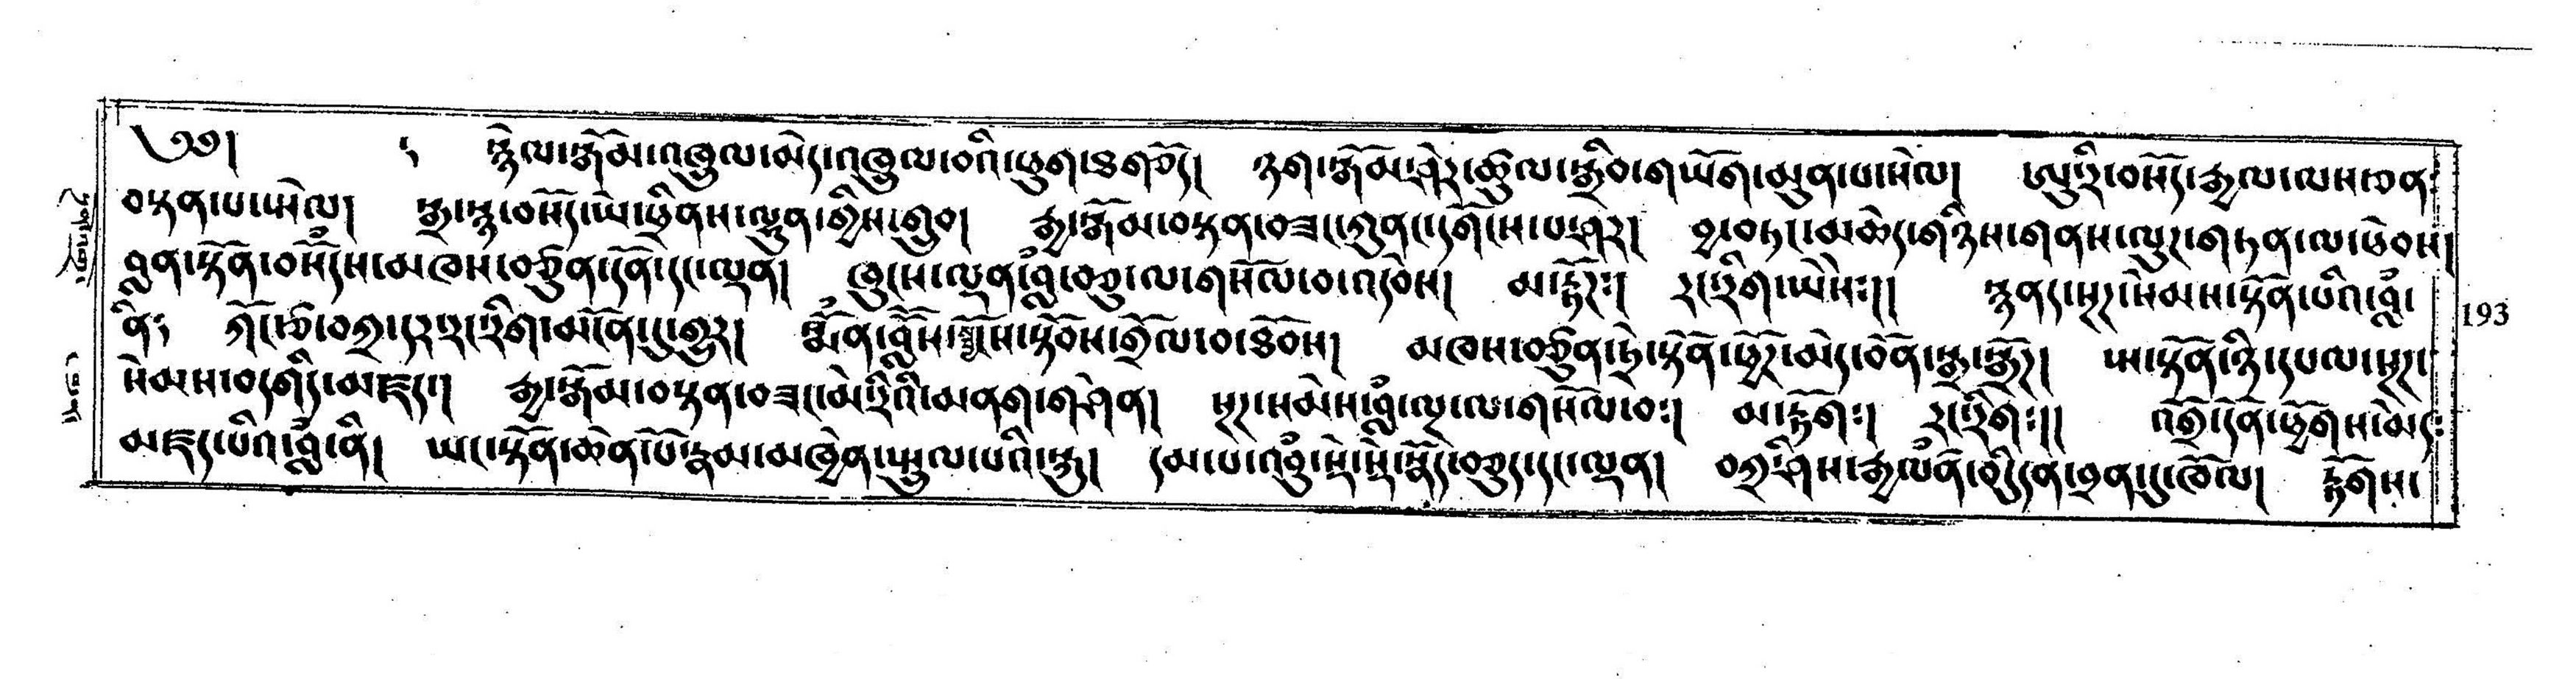སྙེལ་སྒོམ་འཁྲུལ་མེད་འཁྲུལ་བའི་ཕུག་ཐག་གཅོད། ཉག་སྒོམ་ཤེར་ཚུལ་སྒྲིབ་གཡོག་མུན་པ་སེལ། ཨུ་རི་བསོད་རྒྱལ་ལས་ཅན་
བསྟན་པ་སྤེལ། སྒྲོ་སྙ་བསོད་ཡེ་ཕྲིན་ལས་ལྷུན་གྱིས་གྲུབ། རྒྱ་སྒོམ་བསྟན་བཟང་ཀུན་བཟང་དགོངས་པ་ཤར། བྱ་བཏང་མཆེད་གཉིས་གནས་ལུགས་གཏན་ལ་ཕེབས། 
བླན་སྟོན་བསོད་ནམས་མཁས་བཙུན་དོན་དང་ལྡན། ཁུངས་ལྡན་བླ་མ་བཅུ་ལ་གསོལ་བ་འདེབས། མ་རྟོགས༴། རང་རིག་ཡེ་ཤེས༴།། སྙན་རྒྱུད་སྔགས་སེམས་སྟོན་པའི་བླ་མ་
ནི། ཀོང་ཙ་བཀྲ་དར་རང་རིག་མངོན་དུ་གྱུར། སྨོན་ལམ་བློ་གྲོས་སྦྱོངས་སྟོབས་གྲོལ་བ་ཐོབ། མཁས་བཙུན་ཏྲེ་སྟོན་ཕྱོགས་མེད་བོན་སྒྲ་སྒྲོགས། སྤ་སྟོན་ཉི་དཔལ་སྔགས་
སེམས་བདག་ཉིད་མཛད། རྒྱ་སྒོམ་བསྟན་བཟང་མེ་རིའི་མན་ངག་གཤེན། སྔགས་སེམས་བླ་མ་ལྔ་ལ་གསོལ་བ༴། མ་རྟོག༴། རང་རིག༴།། འགྲོ་དོན་ཕྱོགས་མེད་
མཛད་པའི་བླ་མ་ནི། ཡང་སྟོན་ཆེན་པོ་རྣམ་མཁྱེན་སྤྲུལ་པའི་སྐུ། དམ་པ་འབུམ་སྡེ་སྡེ་སྣོད་བཅུད་དང་ལྡན། བཀྲ་ཤིས་རྒྱལ་མཚན་བདུད་སྲིན་བྲན་དུ་ཁོལ། རྟོགས་